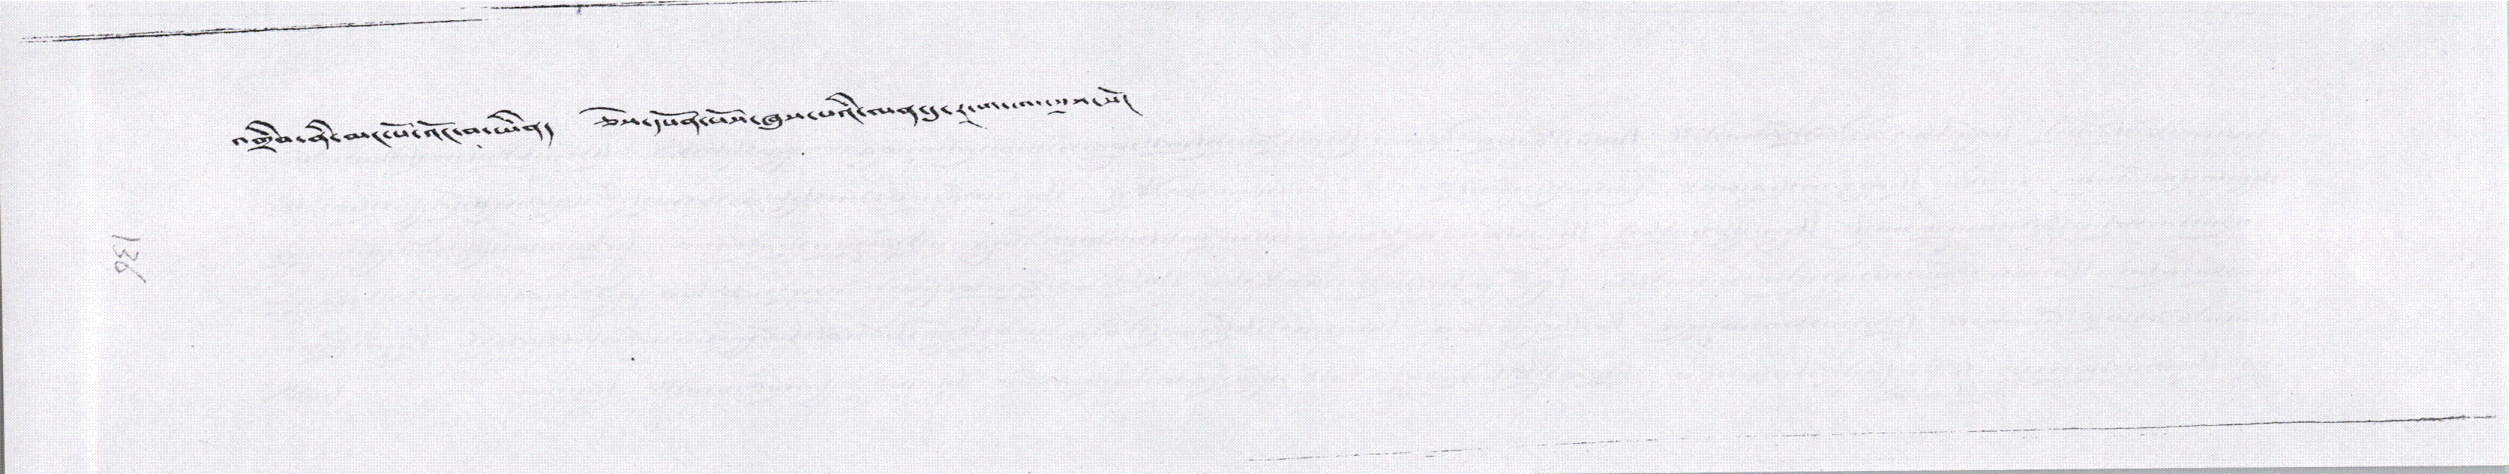འགྲིབས་ནི་མང་པོ་འོང་བ་ཡིན། །ཅེས་དབོན་པོས་ཞུས་པའི་ལན་དུ་རཱ་ག་ཨ་གསས་སོ།། །།